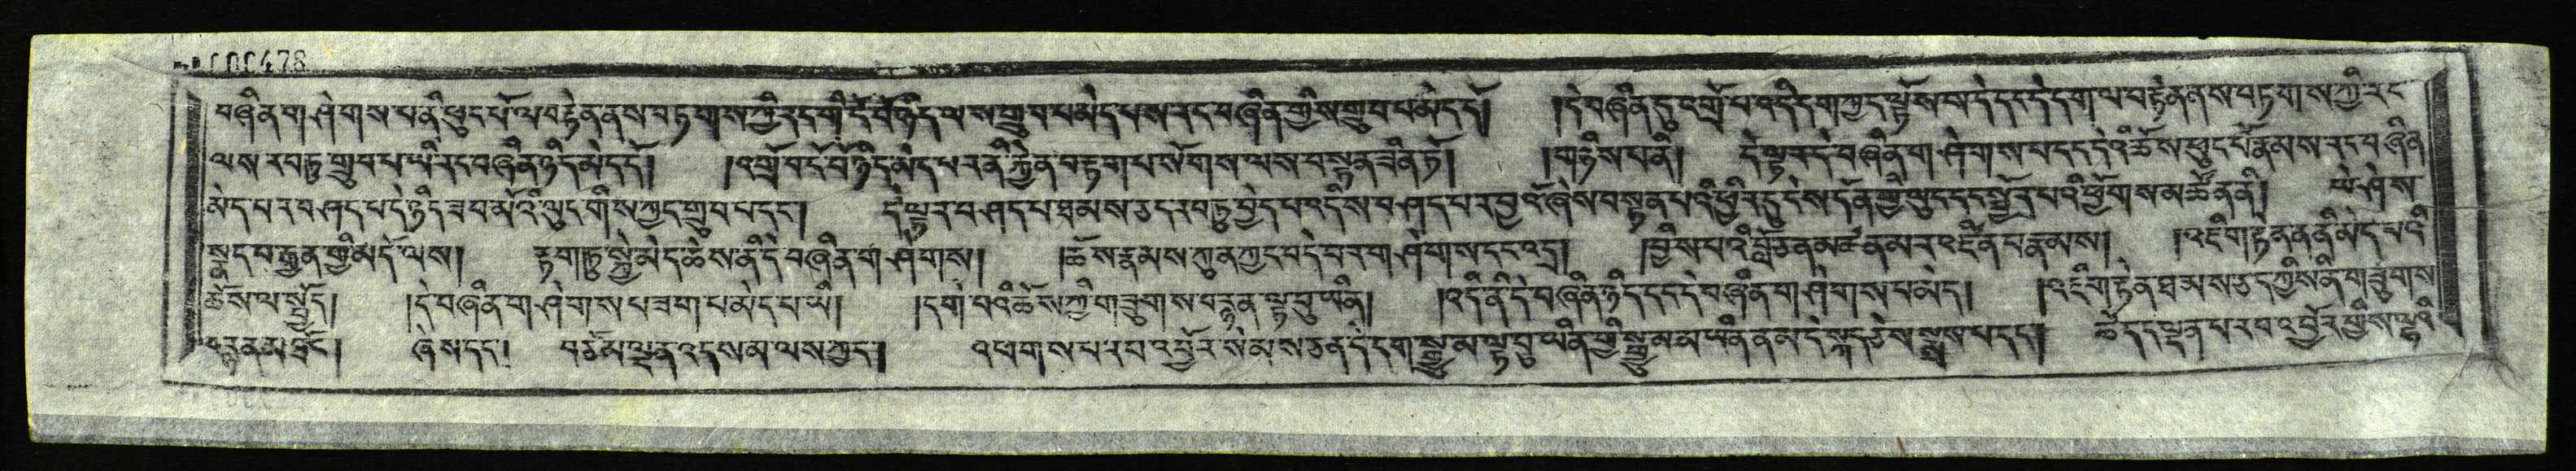བཞིན་གཤེགས་པ་ནི་ཕུང་པོ་ལ་བརྟེན་ནས་བཏགས་ཀྱི་རང་གི་ངོ་བོ་ཉིད་ལས་གྲུབ་པ་མེད་པས་རང་བཞིན་གྱིས་གྲུབ་པ་མེད་དོ། །དེ་བཞིན་དུ་འགྲོ་བ་འདི་དག་ཀྱང་ལྟོས་ས་དེ་དང་དེ་དག་ལ་བརྟེན་ནས་བཏགས་ཀྱི་རང་
ལས་རབ་ཏུ་གྲུབ་པ་ཡི་རང་བཞིན་ཉིད་མེད་དོ། །འགྲོ་བ་ངོ་བོ་ཉིད་མེད་པར་ནི་རྐྱེན་བརྟག་པ་སོགས་ལས་བསྟན་ཟིན་ཏོ། །གཉིས་པ་ནི། དེ་ལྟར་དེ་བཞིན་གཤེགས་པ་དང་དེའི་ཆོས་ཕུང་པོ་རྣམས་རང་བཞིན་
མེད་པར་བཤད་པ་དེ་ཉིད་ཟབ་མོའི་ལུང་གིས་ཀྱང་གྲུབ་པ་དང་། དེ་ལྟར་བཤད་པ་ཐམས་ཅད་རབ་ཏུ་བྱེད་པ་འདིས་བཤད་པར་བྱའོ་ཞེས་བསྟན་པའི་ཕྱིར་དུ་ངེས་དོན་གྱི་ལུང་དང་སྦྱོར་པའི་ཕྱོགས་མཚོན་ནི། ཡེ་ཤེས་
སྣང་བ་རྒྱན་གྱི་མདོ་ལས། རྟག་ཏུ་སྐྱེ་མེད་ཆེས་ནི་དེ་བཞིན་གཤེགས། །ཆོས་རྣམས་ཀུན་ཀྱང་བདེ་བར་གཤེགས་དང་འདྲ། །བྱིས་པའི་བློ་ཅན་མཚན་མར་འཛིན་པ་རྣམས། །འཇིག་རྟེན་ན་ནི་མེད་པའི་
ཆོས་ལ་སྤྱོད། །དེ་བཞིན་གཤེགས་པ་ཟག་པ་མེད་པ་ཡི། །དགེ་བའི་ཆོས་ཀྱི་གཟུགས་བརྙན་ལྟ་བུ་ཡིན། །འདི་ནི་དེ་བཞིན་ཉིད་དང་དེ་བཞིན་གཤེགས་པ་མེད། །འཇིག་རྟེན་ཐམས་ཅད་ཀྱིས་ནི་གཟུགས་
བརྙན་མཐོང་། ཞེས་དང་། བཅོམ་ལྡན་འདས་མ་ལས་ཀྱང་། འཕགས་པ་རབ་འབྱོར་སེམས་ཅན་དེ་དག་སྒྱུ་མ་ལྟ་བུ་ཡིན་གྱི་སྒྱུ་མ་མ་ཡིན་ནམ་དེ་སྐད་ཅེས་སྨྲས་པ་དང་། ཚེ་དང་ལྡན་པ་རབ་འབྱོར་གྱིས་ལྷའི་